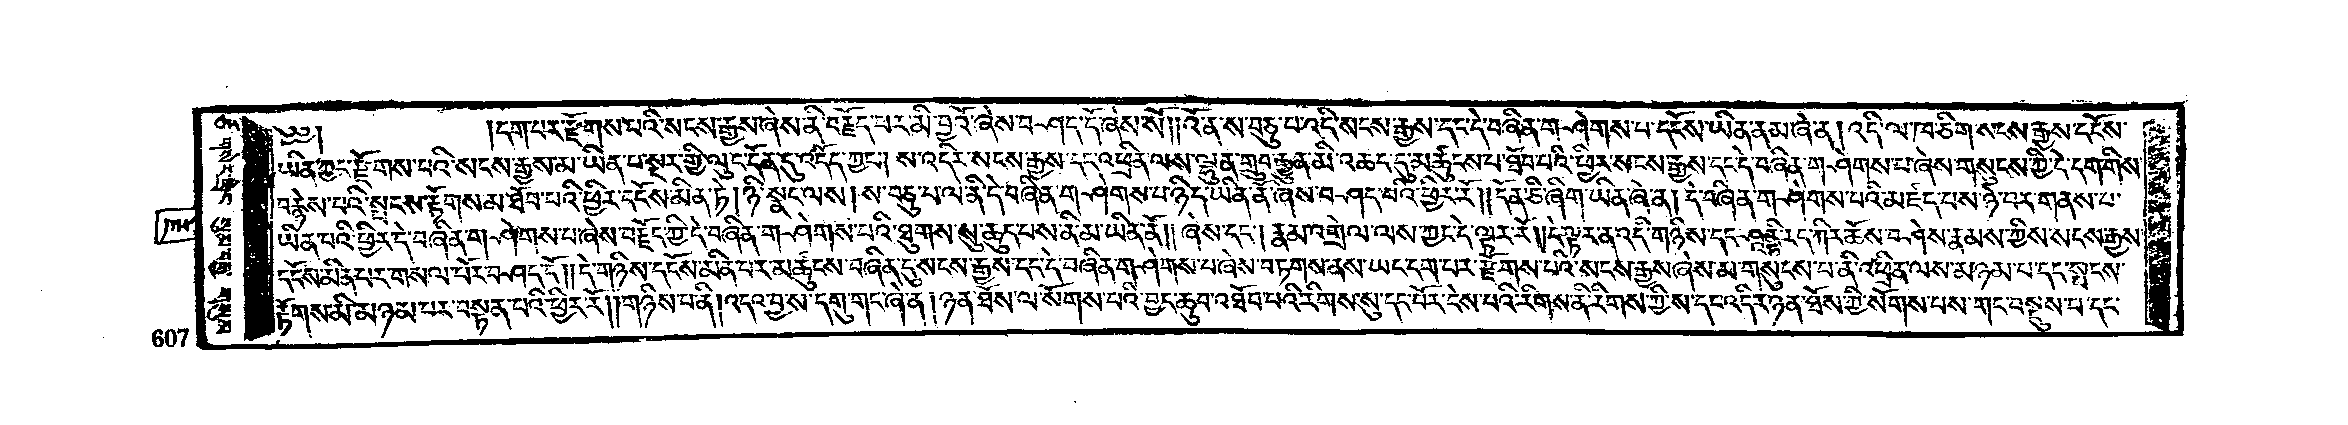༄༅། །དག་པར་རྫོགས་པའི་སངས་རྒྱས་ཞེས་ནི་བརྗོད་པར་མི་བྱའོ་ཞེས་བཤད་དོ་ཞེས་སོ། །འོ་ན་ས་བཅུ་པ་འདི་སངས་རྒྱས་དང་དེ་བཞིན་གཤེགས་པ་དངོས་ཡིན་ནམ་ཞེ་ན། འདི་ལ་ཁ་ཅིག་སངས་རྒྱས་དངོས་
ཡིན་ཀྱང་རྫོགས་པའི་སངས་རྒྱས་མ་ཡིན་པ་སྔར་གྱི་ལུང་དོན་དུ་འདོད་ཀྱང་། ས་འདིར་སངས་རྒྱས་དང་འཕྲིན་ལས་ལྷུན་གྲུབ་རྒྱུན་མི་འཆད་དུ་མཚུངས་པ་ཐོབ་པའི་ཕྱིར་སངས་རྒྱས་དང་དེ་བཞིན་གཤེགས་པ་ཞེས་གསུངས་ཀྱི་དེ་དག་གིས་
བརྙེས་པའི་སྤངས་རྟོགས་མ་ཐོབ་པའི་ཕྱིར་དངོས་མིན་ཏེ། ཉི་སྣང་ལས། ས་བཅུ་པ་ལ་ནི་དེ་བཞིན་གཤེགས་པ་ཉིད་ཡིན་ནོ་ཞེས་བཤད་པའི་ཕྱིར་རོ། །དོན་ཅི་ཞིག་ཡིན་ཞེ་ན། དེ་བཞིན་གཤེགས་པའི་མཛད་པས་ཉེ་བར་གནས་པ་
ཡིན་པའི་ཕྱིར་དེ་བཞིན་གཤེགས་པ་ཞེས་བརྗོད་ཀྱི་དེ་བཞིན་གཤེགས་པའི་ཐུགས་སུ་ཆུད་པས་ནི་མ་ཡིན་ནོ། །ཞེས་དང་། རྣམ་འགྲེལ་ལས་ཀྱང་དེ་ལྟར་རོ། །དེ་ལྟར་ན་འདི་གཉིས་དང་ཤཱནྟི་རད་ཀིར་ཆོས་བཤེས་རྣམས་ཀྱིས་སངས་རྒྱས་
དངོས་མིན་པར་གསལ་པོར་བཤད་དོ། །དེ་གཉིས་དངོས་མིན་པར་མཚུངས་བཞིན་དུ་སངས་རྒྱས་དང་དེ་བཞིན་གཤེགས་པ་ཞེས་བཏགས་ནས་ཡང་དག་པར་རྫོགས་པའི་སངས་རྒྱས་ཞེས་མ་གསུངས་པ་ནི་འཕྲིན་ལས་མཉམ་པ་དང་སྤངས་
རྟོགས་མི་མཉམ་པར་བསྟན་པའི་ཕྱིར་རོ། །གཉིས་པ་ནི། འདའ་བྱ་ས་དགུ་གང་ཞེ་ན། ཉན་ཐོས་ལ་སོགས་པའི་བྱང་ཆུབ་འཐོབ་པའི་རིགས་སུ་དང་པོར་ངེས་པའི་རིགས་ནི་རིགས་ཀྱི་ས་དང་འདིར་ཉན་ཐོས་ཀྱི་སོགས་པས་གང་བསྡུས་པ་དང་